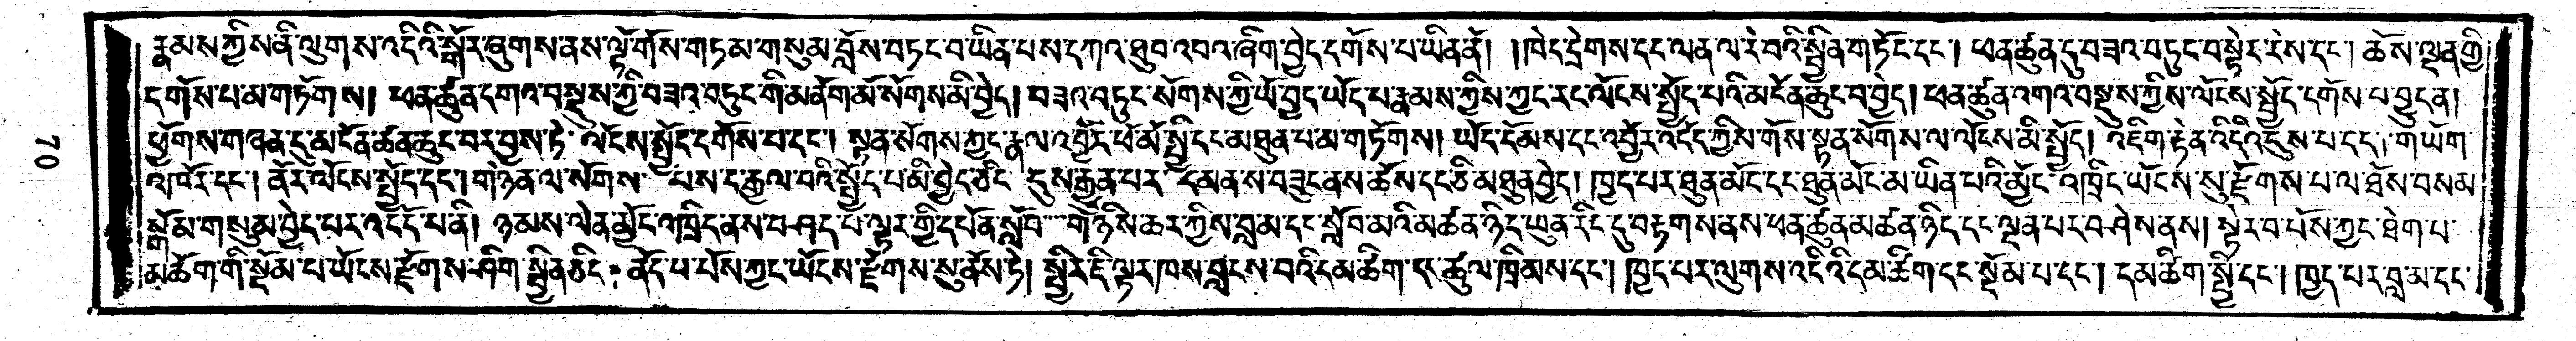རྣམས་ཀྱིས་ནི་ལུགས་འདིའི་སྒོར་ཞུགས་ནས་ལྟོ་གོས་གཏམ་གསུམ་བློས་བཏང་བ་ཡིན་པས་དཀའ་ཐུབ་འབའ་ཞིག་བྱེད་དགོས་པ་ཡིན་ནོ། །ཁེད་དྲེགས་དང་ལྡན་ལ་རེ་བའི་སྦྱིན་གཏོང་དང་། ཕན་ཚུན་དུ་བཟའ་བཏུང་བ་སྟེར་རེས་དང་། ཆོས་ལྡན་གྱི་
དགོས་པ་མ་གཏོགས། ཕན་ཚུན་དགའ་བསྡུས་ཀྱི་བཟའ་བཏུང་གི་མ་ནོག་མོ་སོགས་མི་བྱེད། བཟའ་བཏུང་སོགས་ཀྱི་ཡོ་བྱད་ཡོད་པ་རྣམས་ཀྱིས་ཀྱང་རང་ལོངས་སྤྱོད་པའི་མངོན་ཆུང་བ་བྱེད། ཕན་ཚུན་འགའ་བསྡུས་ཀྱིས་ལོངས་སྤྱོད་དགོས་པ་བྱུང་ན།
ཕྱོགས་གཞན་དུ་མངོན་ཚན་ཆུང་བར་བྱས་ཏེ་ལོངས་སྤྱོད་དགོས་པ་དང་། སྟན་སོགས་ཀྱང་རྣལ་འབྱོར་ཕོ་མོ་སྤྱི་དང་མཐུན་པ་མ་གཏོགས། ཡོད་ངོམས་དང་འབྱོར་འདོད་ཀྱིས་གོས་སྟན་སོགས་ལ་ལོངས་མི་སྤྱོད། འཇིག་རྟེན་འདིའི་དུས་པ་དད། གཡོག་
འཁོར་དང་། ནོར་ལོངས་སྤྱོད་དང་། གཉེན་ལ་སོགས་པས་ང་རྒྱལ་བའི་སྤྱོད་པ་མི་བྱེད་ཅིང་དུས་རྒྱུན་པར་དམན་ས་བཟུང་ནས་ཆོས་དང་ཅི་མཐུན་བྱེད། ཁྱད་པར་ཐུན་མོང་དང་ཐུན་མོང་མ་ཡིན་པའི་མྱོང་འཁྲིད་ཡོངས་སུ་རྫོགས་པ་ལ་ཐོས་བསམ་
སྒོམ་གསུམ་བྱེད་པར་འདོད་པ་ནི། ཉམས་ལེན་མྱོང་འཁྲིད་ནས་བཤད་པ་ལྟར་གྱི་དགོན་སློབ་གཉིས་ཆར་གྱིས་བླ་མ་དང་སློབ་མའི་མཚན་ཉིད་ཡུན་རིང་དུ་བརྟགས་ནས་ཕན་ཚུན་མཚན་ཉིད་དང་ལྡན་པར་བཤེས་ནས། སྟེར་བ་པོས་ཀྱང་ཐེག་པ་
མཆོག་གི་སྡོམ་པ་ཡོངས་རྫོགས་ཤིག་སྤྱིན་ཅིང་། ནོད་པ་པོས་ཀྱང་ཡོངས་རྫོགས་སུ་ནོས་ཏེ། སྤྱིར་ཇི་ལྟར་ཁས་བླངས་བའི་དམ་ཚིག་དང་ཚུལ་ཁྲིམས་དང་། ཁྱད་པར་ལུགས་འདིའི་དམ་ཚིག་དང་སྡོམ་པ་དང་། དམ་ཚིག་སྤྱི་དང་། ཁྱད་པར་བླ་མ་དང་